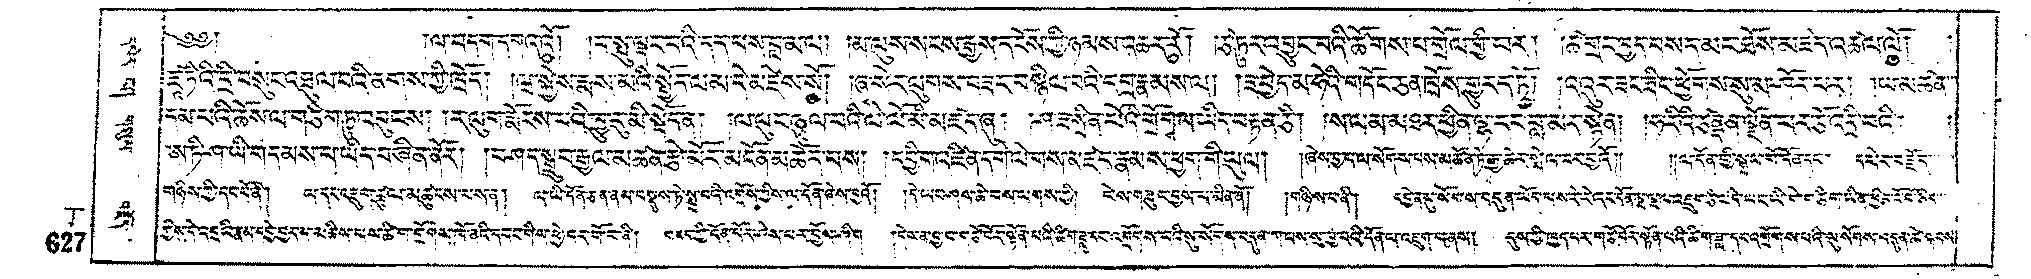༄༅། །ལ་བདག་དགའ་འོ྾། །པ་སྤུ་ལྡང་བའི་དད་པས་བླ་མ་ལ། །མ་ལུས་སངས་རྒྱས་དངོས་ཀྱི་ཉམས་འཆར་རོ྾། །ཙ་ཏུར་འབྱུང་བའི་ཚོགས་པ་གྲོལ་གྱི་བར། །ཚ་གྲང་ཁྱད་བསད་མང་ཐོས་མཛད་འཚལ་ལོ྾། །
ཛཱ་ཏིའི་དྲི་བསུང་འཐུལ་བའི་ནགས་ཀྱི་ཁྲོད། །ཝ་སྐྱེས་རྨས་མའི་སྤྱོད་ལམ་དེ་མཛེས་སོ྾། །ཞྭ་སེར་ལུགས་བཟང་བསྙིལ་བའི་དགྲ་རྣམས་ལ། །ཟ་བྱེད་མ་ཧེའི་གདོང་ཅན་ཁྲོས་གྱུརྡ་ཏོ྾། །འ་འུར་ཟང་ཟིང་ཕྱོགས་སུ་མ་ཤོར་པར། །ཡ་མཚན་
དམ་པའི་ཆོས་ལ་གཅིག་ཏུ་འབུངས། །ར་ལུག་རྨོངས་པའི་ཁྱུ་རུ་མི་སྡོད་ན། །ལ་ལུང་ཉུལ་བའི་ལེ་ལོ་མི་མཛད་ཞུ། །ཤ་ཟ་སྲིན་པོའི་གྲོགས་ལ་ཡིད་བརྟན་ཅི། །ས་ལམ་མཐར་ཕྱིན་ལྷ་དང་བླ་མར་སྟེན། །ཧ་རིའི་ཙནྡན་ལྗོན་པར་ཅོ་འདྲི་བའི། །
ཨ་ཏི་ཤ་ཡི་གདམས་པ་ཡིད་བཞིན་ནོར། །བཤད་སྒྲུབ་རྒྱལ་མཚན་རྩེ་མོར་མངོན་མཆོད་པས། །དབྱིག་འཛིན་དགེ་ལེགས་མཛད་རྣམས་ཕྱག་གི་ཡུལ། །ཞེས་བྱ་བ་ལ་སོགས་པས་མཚོན་ཏེ་རྒྱ་ཆེར་སྤེལ་བར་བྱའོ།། །།ལ་དོན་གྱི་སྒྲ་ལ་གོ་དོན་དང་། དཔེར་བརྗོད་་་
གཉིས་ཀྱི་དང་པོ་ནི། ལ་དང་འཇུག་ཚུལ་མཚུངས་པས་ན། ལ་ཡི་དོན་ཅན་ནམ་བསྡུས་ཏེ་སྨྲ་བའི་འགྲོས་ཀྱིས་ལ་དོན་ཞེས་བྱའོ། །དེ་ཡང་ཤས་ཆེ་བས་ལགས་ཀྱི། ངེས་གཟུང་བྱས་པ་མིན་ནོ། །གཉིས་པ་ནི། དབྱེ་སུ་སོགས་བདུན་ཡོད་པས་རེ་རེའང་དོན་ལྔ་ལྔ་ལ་འཇུག་ཅིང་དེ་ཡང་ཡི་གེ་གཅིག་ཡིན་ཕྱིར་ངོ་བོ་ཉིད་་་
ཀྱིས་དེ་འདྲའི་རྣམ་དབྱེ་བྱར་མ་མཆིས་པས་ཚིག་གྲོགས་ཁོ་ནའི་དབང་གིས་ཕྱེ་བར་གོ་བ་ནི། གནད་ཀྱི་དོན་པོར་ཤེས་པར་བྱོས་ཤིག །དེས་ན་བྱ་བ་གཙོ་བོར་སྟོན་པའི་ཚིག་ཟླ་དང་འགྲོགས་པའི་སུ་སོགས་བདུན་ཀ་ལས་སུ་བྱ་བའི་དོན་ལ་འཇུག་པ་ནས། དུས་ཀྱི་ཁྱད་པར་གཙོ་བོར་སྟོན་པའི་ཚིག་ཟླ་དང་འགྲོགས་པའི་སུ་སོགས་བདུན་ཚེ་སྐབས་